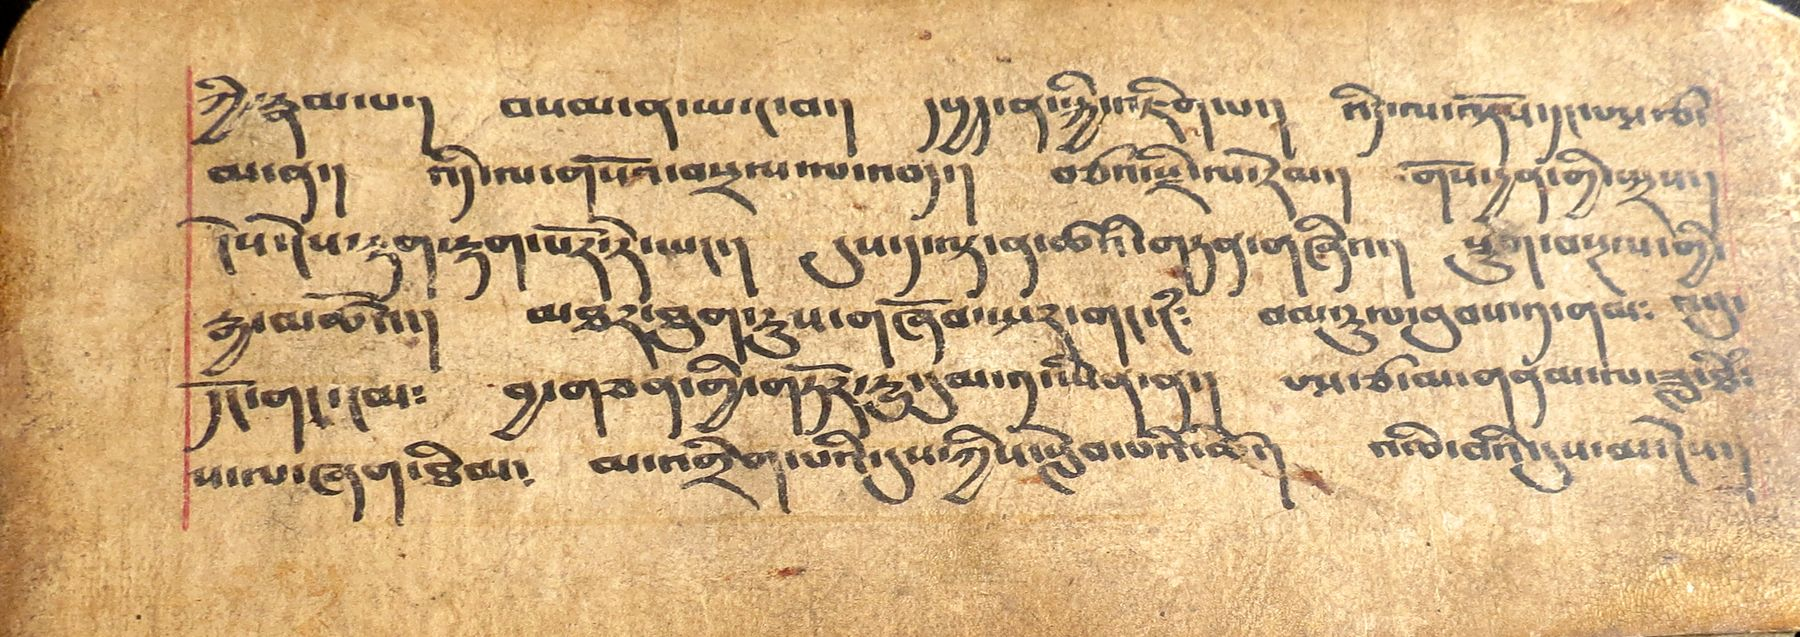ཀྱི་རྣམ་པ། བསམ་ན་ཡ་ང་བ། དཔྱད་ན་སྐྱི་འཇིགས་པ། འདི་ལ་ལྟོས་དང་ཨ་ཙ་མ། 
མ་ན། འདི་ལ་གསོ་བསྲལ་ལ་འབད། བཙའ་རྫི་ལ་རེམས། གོས་རྒྱན་གྱིས་སྤྲས། 
ངེས་ངེས་རྟག་རྟག་པོར་རེ་ཡང་། དུས་ད་ལྟ་ན་ཚའི་རྟེན་གཞི། སྡུག་བསྔལ་གྱི་
རྒྱ་མཚོ། མཐར་ཐུག་རུས་གཞོབ་སྤར་གང་ངམ། བམ་རུལ་བུབས་གཅིག་གམ། འབུ་
དོང་གང་ངམ། བྱ་གཅན་གཟན་གྱིས་གཏོར་རྒྱུ་ཞིག་ཡིན་ན། ཨ་ཙ་མ་གནམ་ལ་ཟླ་ཐིམ། 
ས་ལ་ཞག་ཐིམ། མ་བསྒྲིགས་པའི་དུས་ཀྱིས་སླེབས་པའི་ཚེ། འཆི་བའི་དུས་མ་ངེས་